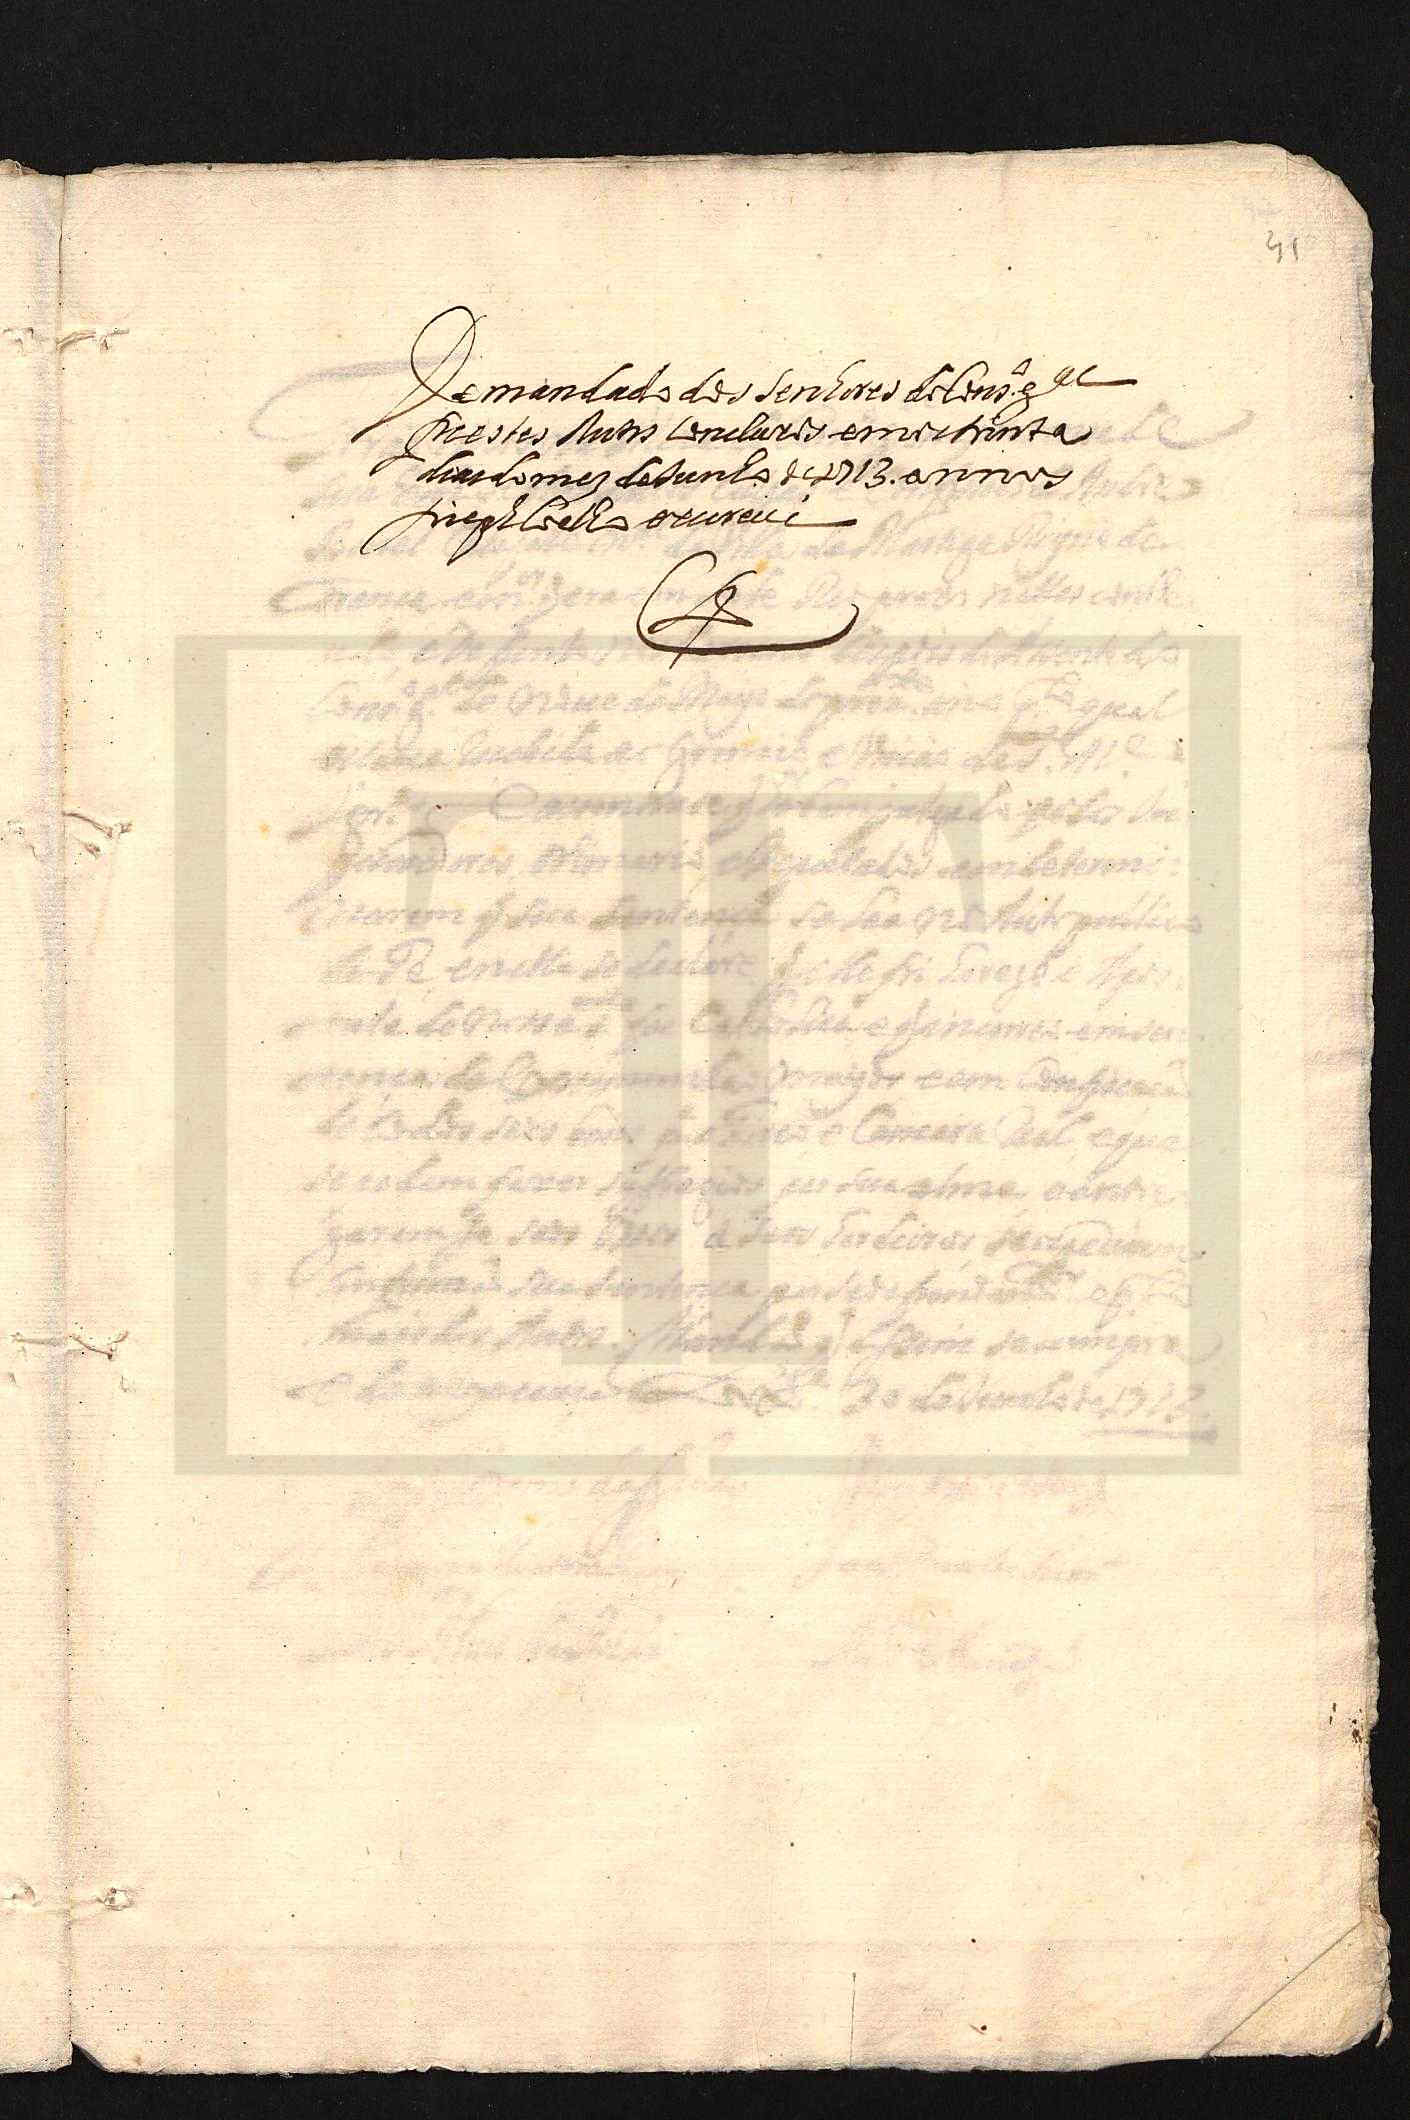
De mandado dos senhores do Cons.o gal
fiz estes Autos concluzos em os trinta
dias do mez de Iunho de 1713. annos
Jozeph Coelho o escreui
CLo
